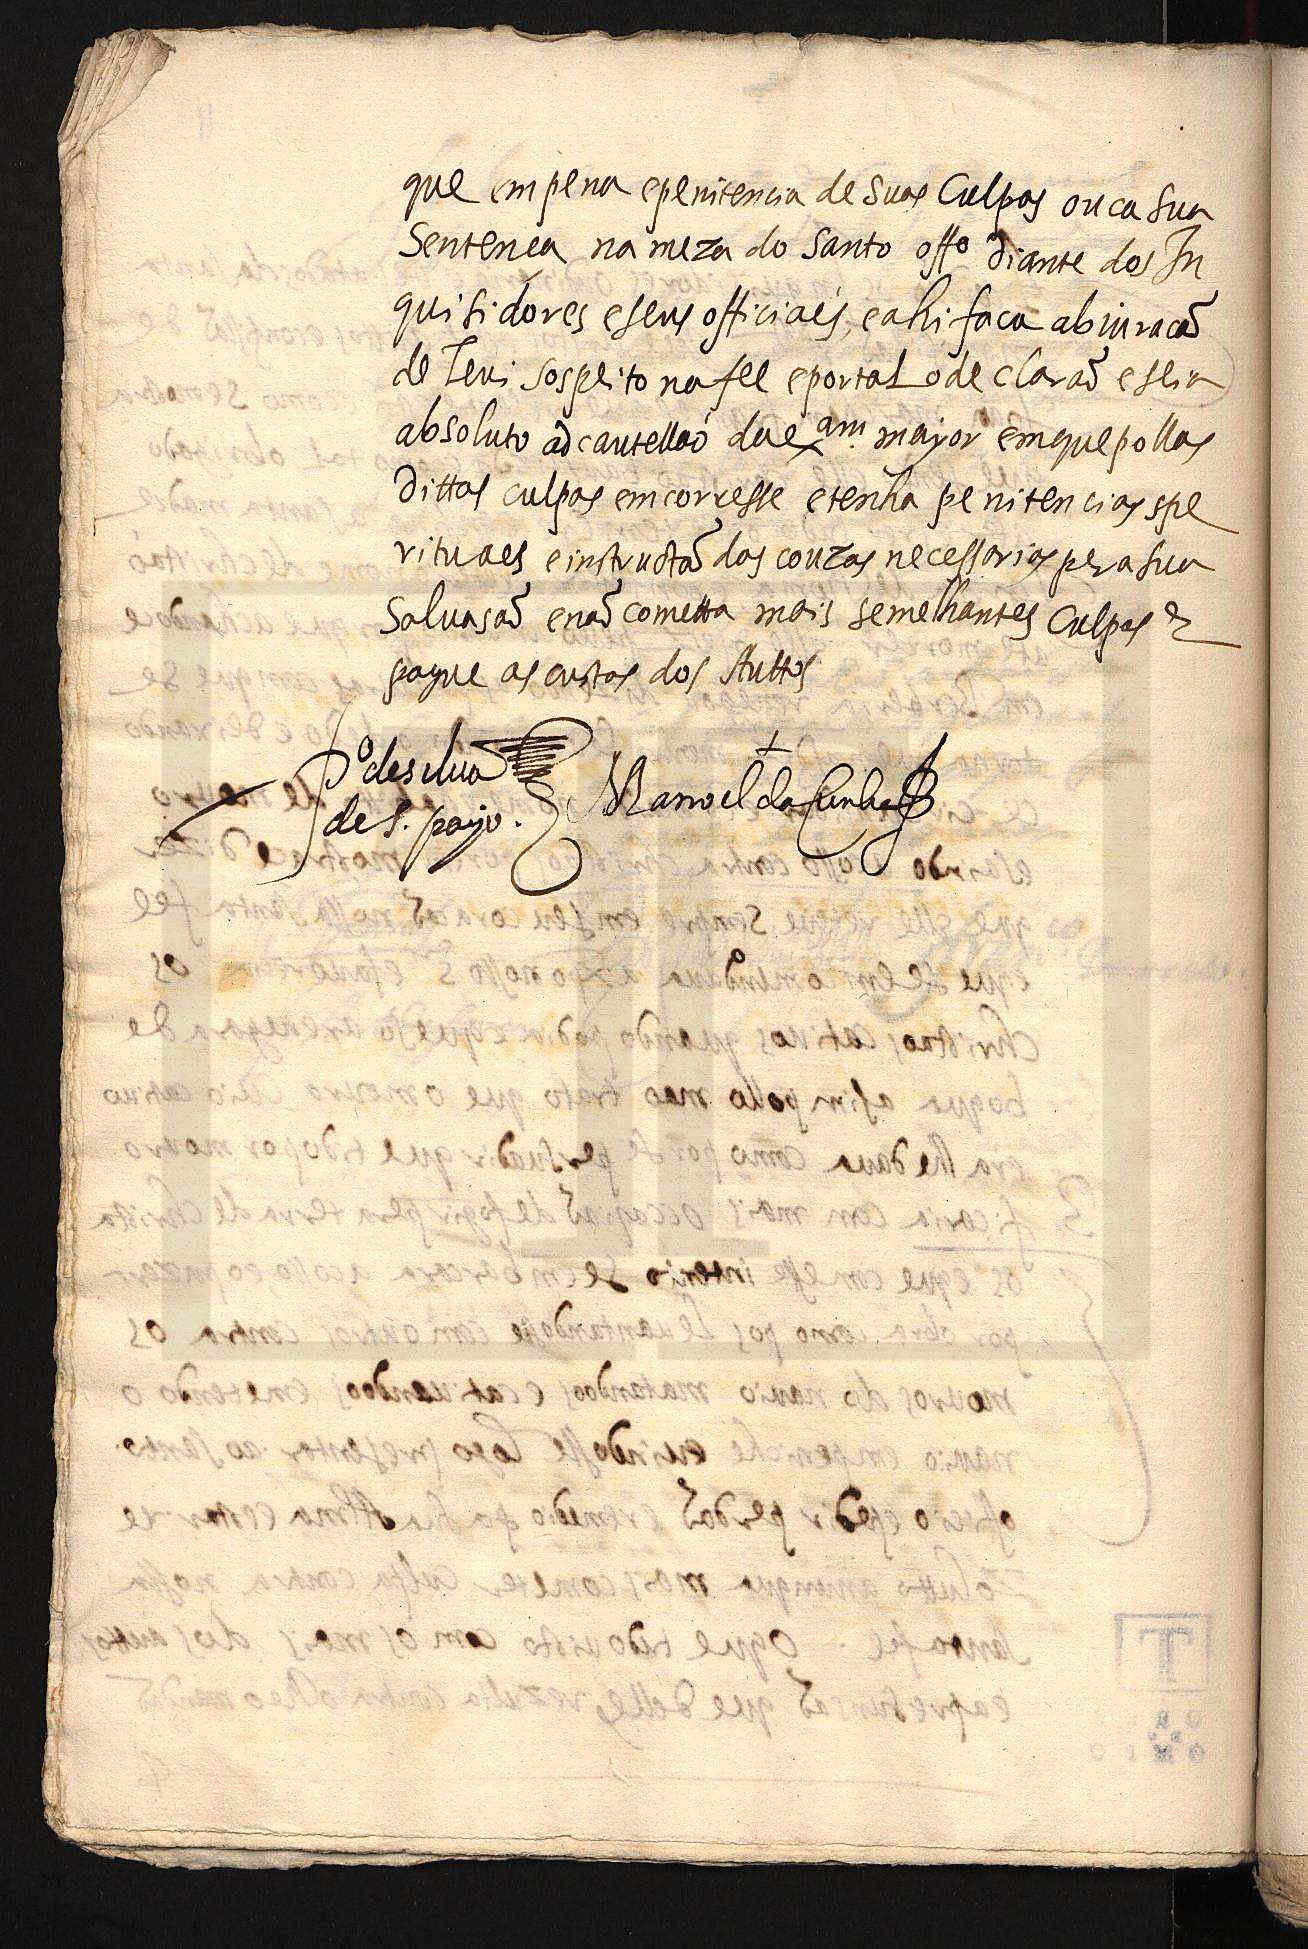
que em pena e penitencia de suas culpas ouça sua
Sentença na meza do Santo offo diante dos In
quisidores e seus officiaes, e ahi faça abiuraçaõ
de Leui sospeito na fee e por tal o declaraõ e seia
absoluto ad cautellaõ da exam. mayor em que pollas
dittas culpas emcorresse e tenha penitencias spe
rituaes e instructaõ das couzas necessarias pera sua
saluasaõ e naõ cometta mais semelhantes culpas E
pague as custas dos Auttos
po de silua
de s. payo
Manoel da Cunha
